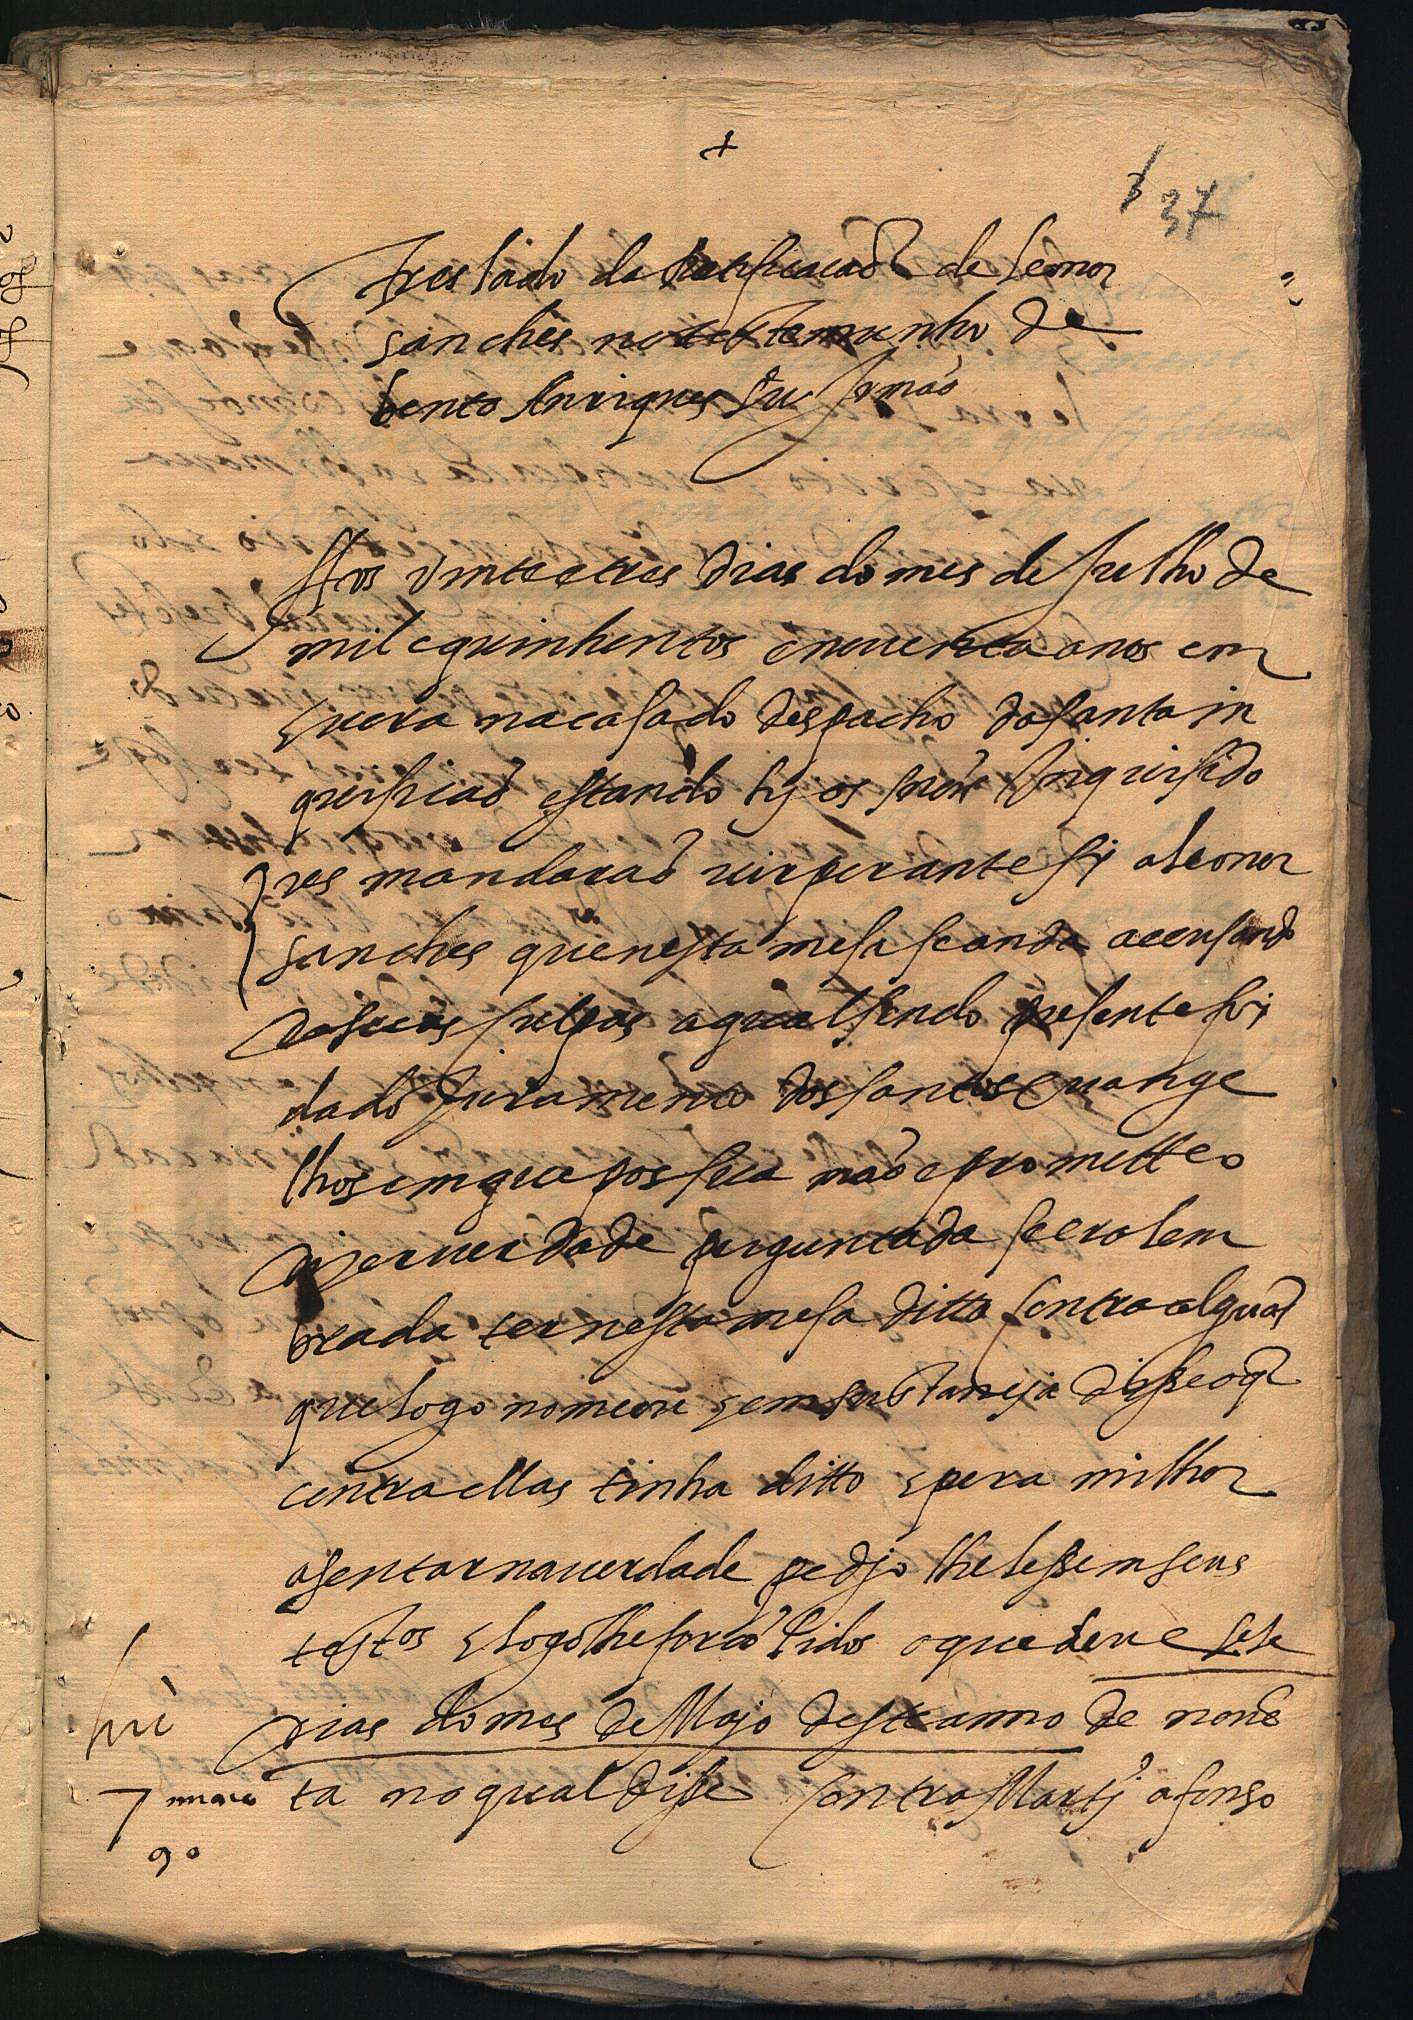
Treslado da Ratificaçaõ de Leonor
sanches no testemunho de
bento Anriques seu Jrmaõ
Aos vinte e tres dias do mes de Julho de
mil e quinhentos e nouenta anos em
Euora na casa do despacho da santa in
quisiçaõ estando hj os snors̄ Inquisido
res mandaraõ uir perante sy a Leonor
sanches que nesta mesa se anda acusando
de suas Culpas a qual sendo presente foy
dado Juramento dos santos euange
lhos em que pos sua maõ e prometteo
dizer uerdade perguntada se era lem
brada ter nesta mesa ditto Contra alguās
que logo nomeou E sem sustancja disse o q̄
contra ellas tinha ditto E pera milhor
asentar na uerdade pedjo lhe lessem seus
testos E logo lhe foraõ lidos o que deue setembro
dias do mes de Majo deste anno de nouē
hic
7 maio
ta no qual disse Contra Martj̄ afonso
90
